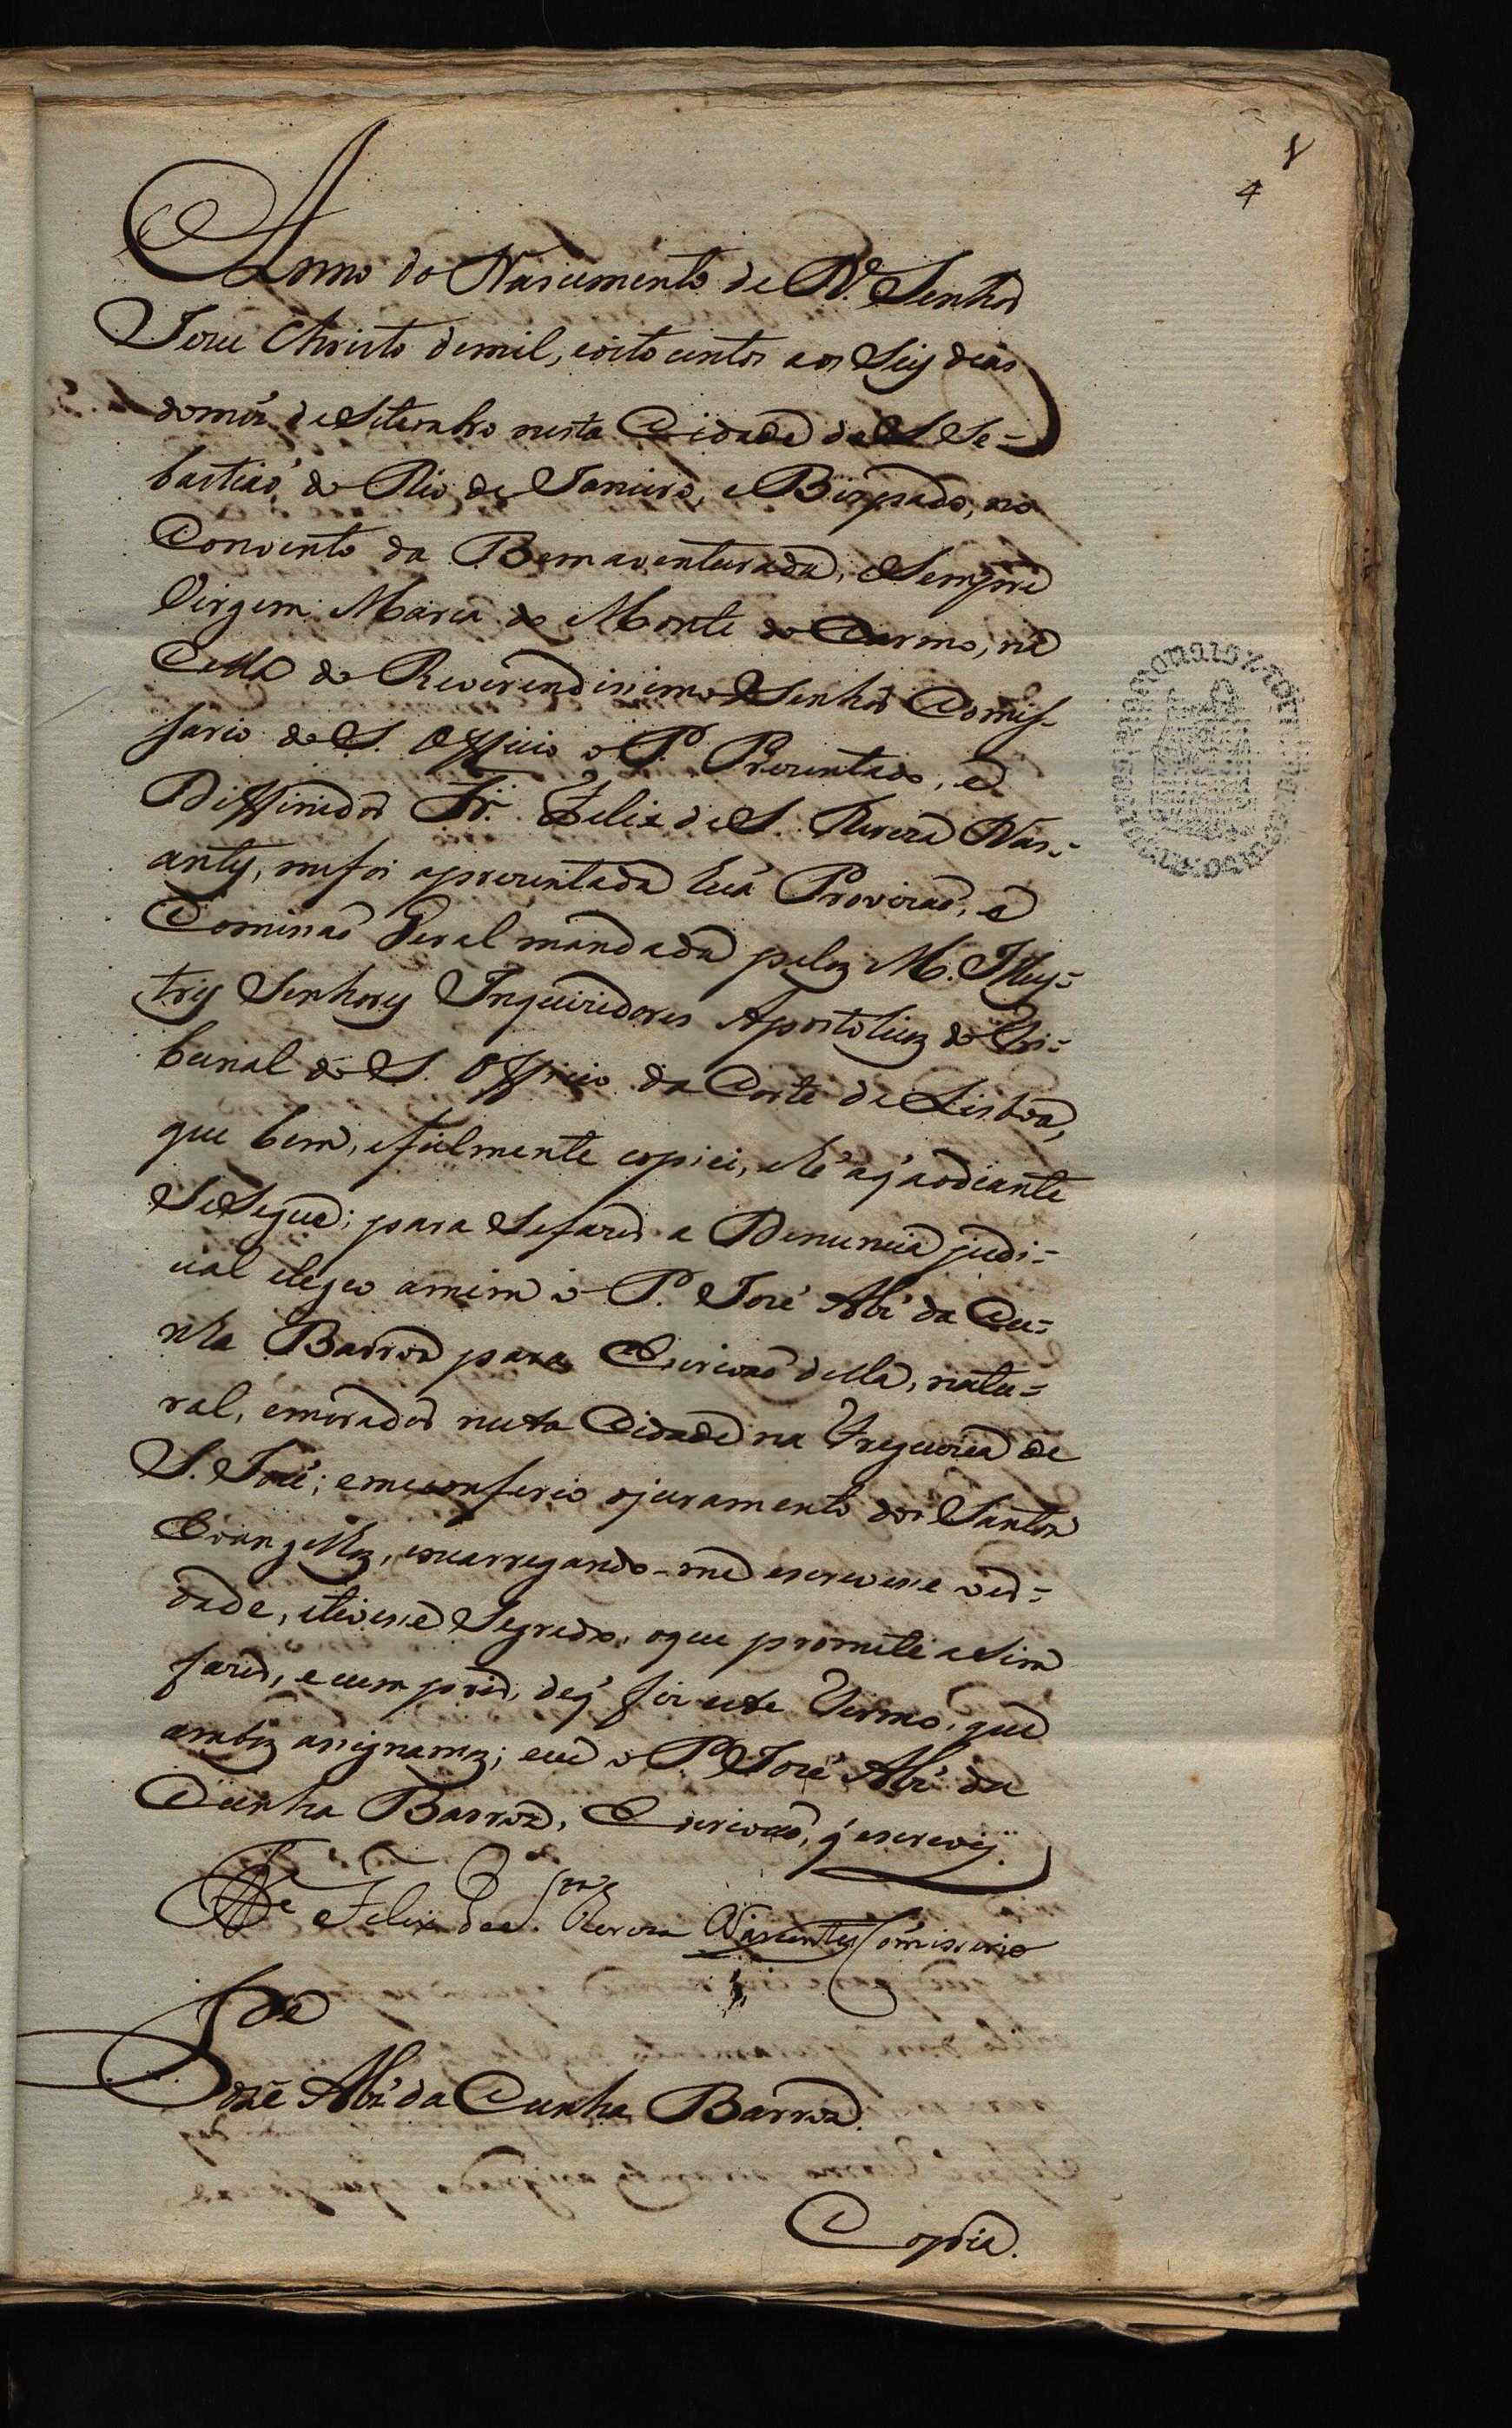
Anno do Nascimento de N. Senhor
Iesu Christo de mil, e oitocentos aos Seis dias
do méz de Setembro nesta Cidade de S. Se
bastiaõ do Rio de Ianeiro, e Bispado, no
Convento da Bemaventurada, e Sempre
Virgem Maria do Monte do Carmo, na
cella do Reverendissimo Senhor Comis
sario do S. Officio o P. Prezentado, e
Diffinidor Fr. Felix de S. Thereza Nas
centes, me foi aprezentada huā Provizaõ, e
Comissaõ Geral mandada peloz M. Ilus
tres Senhores Inquizidores Apostolicoz do Tri
bunal do S. Officio da Corte de Lisboa,
que bem, e fielmente copiei, e hé a q̄ aodiante
Se Segue; para Se fazer a Denuncia judi
cial elegeo a mim o P. Iosé Alz̄ da Cu
nha Barros para Escrivaõ della, natu
ral, e morador nesta Cidade na Freguezia de
S. Iozé; e me conferio o juramento dos Santoz
Evangelhoz, encarregando-me escrevesse ver
dade, e tivesse Segredo, o que prometi aSim
faria, e cumprir, de q̄ fiz este Termo, que
amboz assignamoz, e eu o P. Iozé Alz̄ da
Cunha Barroz, Escrivaõ, q̄ escrevi.
Fr Felix de S.ta Thereza Nascentes Com̄issario
ozé Alz̄ da Cunha Barroz.
Copia.
